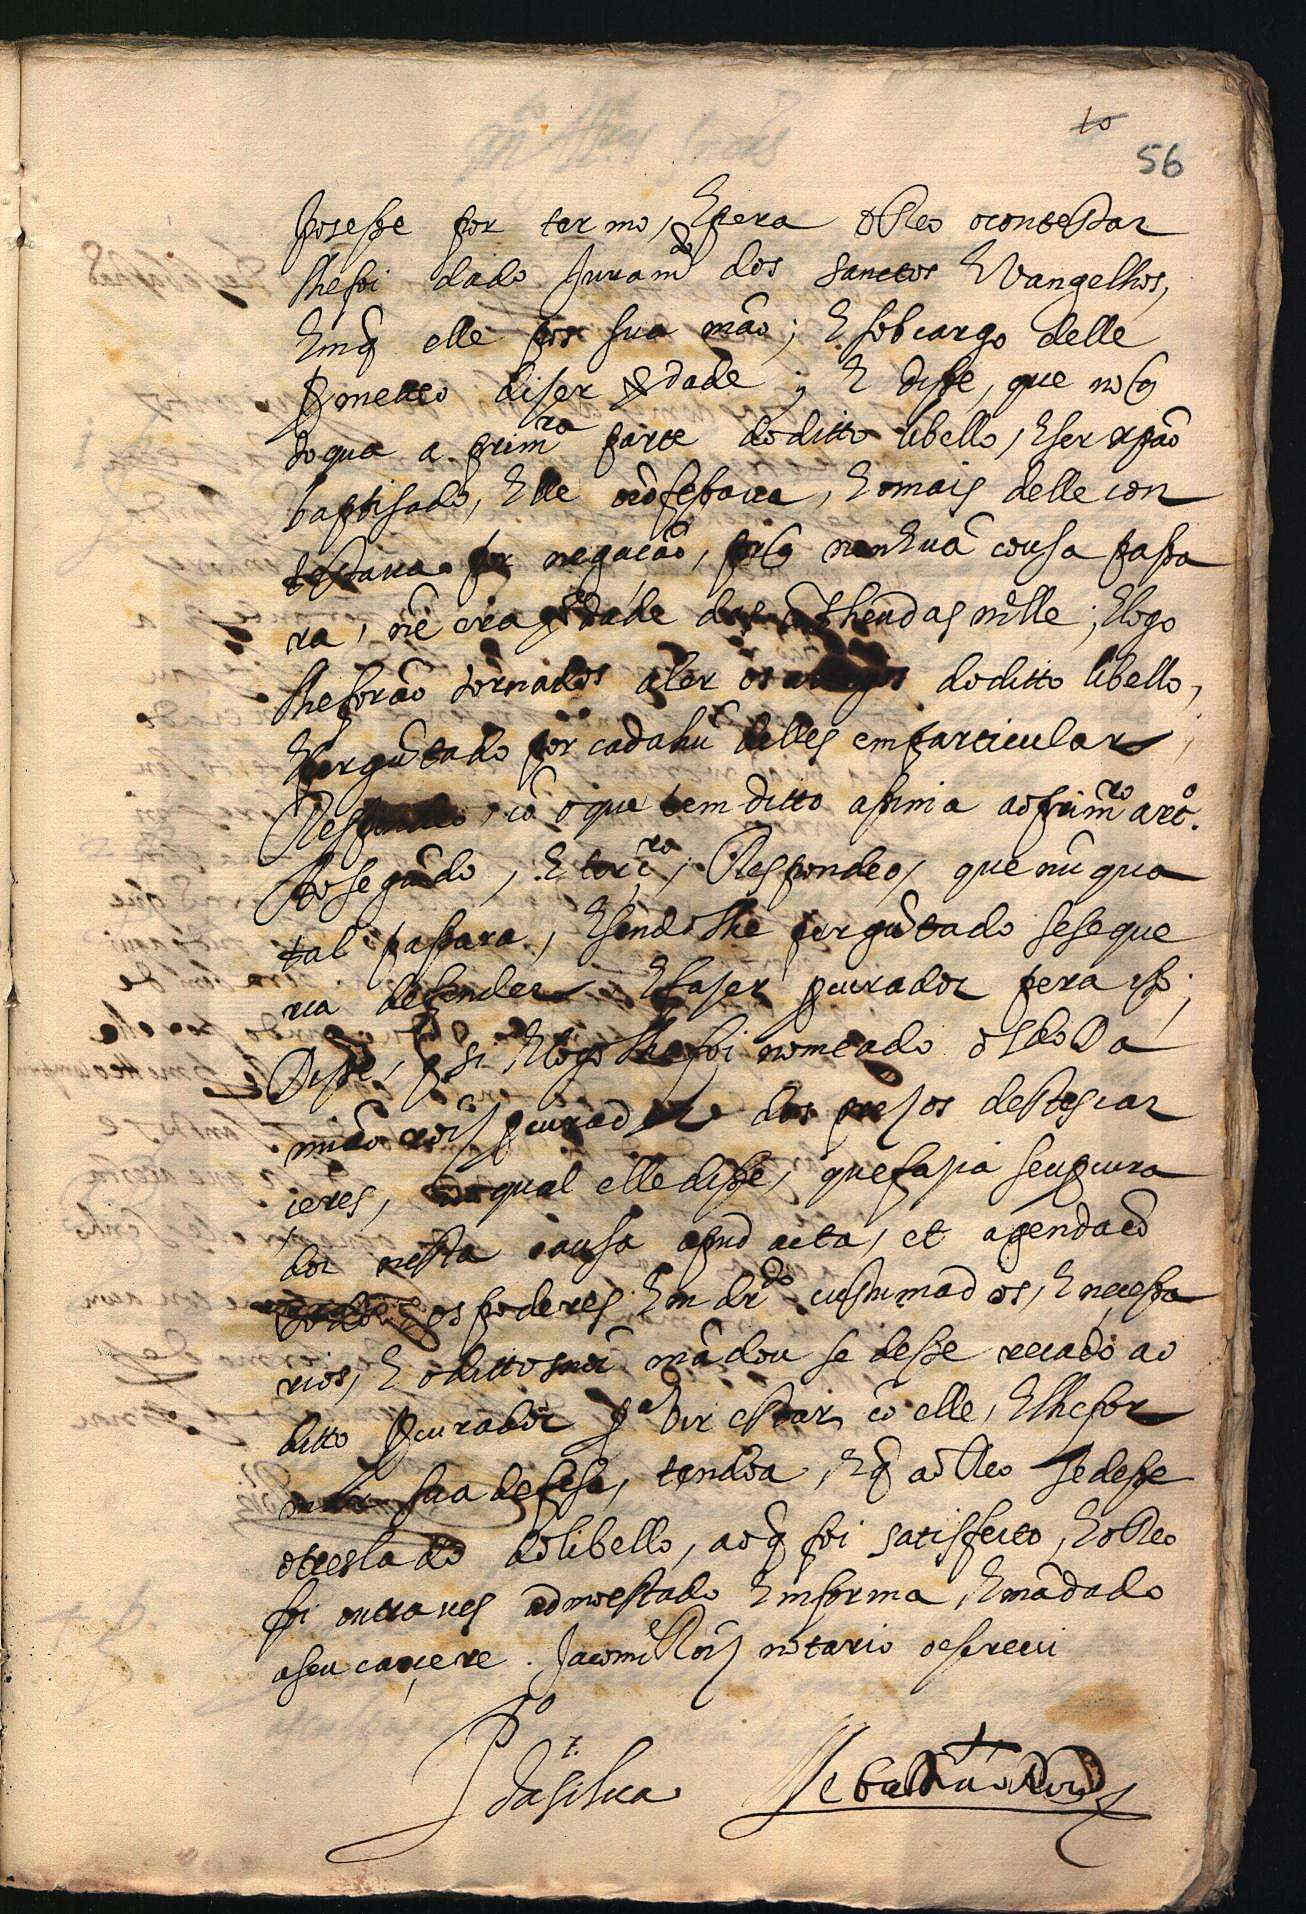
posesse por termo, E pera o Reo o contestar
lhe foi dado Juramto dos sanctos Evangelhos,
Em q̄ elle pos sua mão; E sob cargo delle
ꝓmetteo dizer ꝟdade; E disse, que no q̄
toqua a primra parte do ditto libello, E ser xpaõ
baptisado, Elle o cōfessaua, E o mais delle con
testaua por negaçaõ, porq̄ nenhuā cousa passa
ra, nē era ꝟdade das cōtheudas nelle; E logo
lhe foraõ tornados a ler os artigos do ditto libello,
E pergūtado por cada hū delles em particular
Respondeo cō o que tem ditto assima ao primro arto.
Ao segūdo, E terçro, Respondeo, que nūqua
tal passara, E sendolhe pergūtado se se que
ria defender E fazer ꝓcurador pera isso;
Disse, q̄ si E logo lhe foi nomeado o Ldo Da
mião roīz ꝓcurador dos prezos destes car
çeres, o qual elle disse, que fazia seu ꝓcura
dor nesta causa apud acta, et agenda cō
_ os poderes Em drto custumados, E neçessa
rios, E o ditto snor̄ mādou se desse recado ao
ditto ꝓcurador ꝑ vir estar cō elle, E lhe por
nella sua defesa, tendoa, E q̄ ao Reo se desse
o treslado do libello, ao q̄ foi satisfeito, E o Reo
foi outra ues admoestado Em forma, E mādado
a seu carçere. Jacome Roīz notario o escreui
